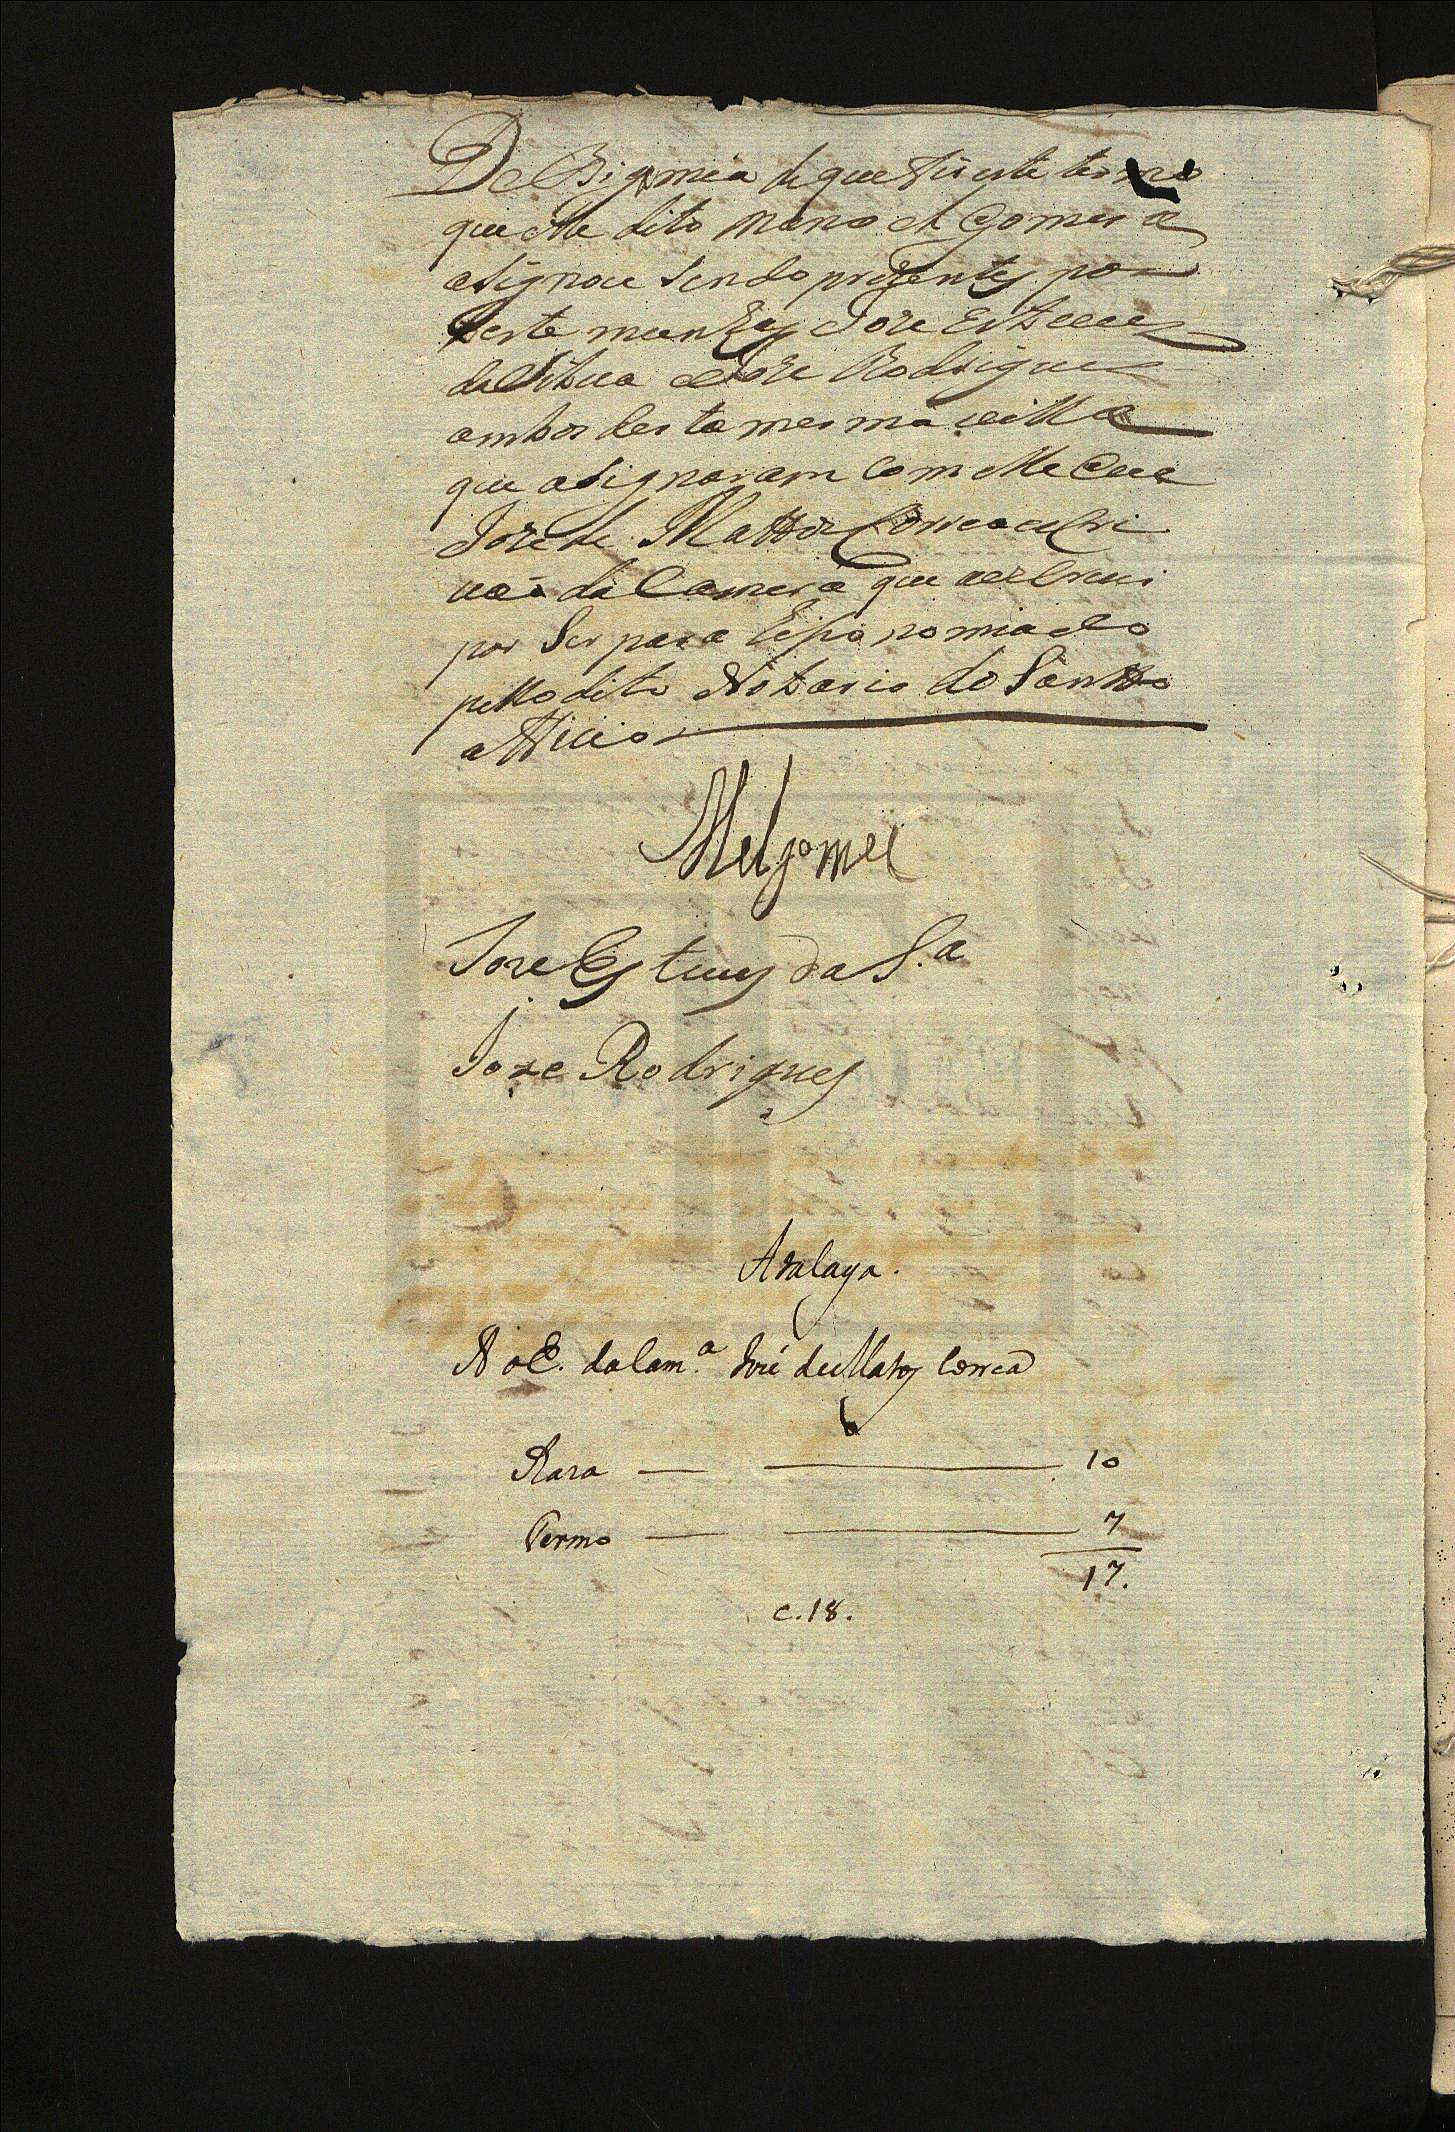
De Bigamia de que fis este termo
que elle dito manoel Gomes a
asignou sendo prezentes por
Testemunhas Ioze Esteues
da Silua Ioze Rodrigues
ambos desta mesma uilla
que asignaram com elle e eu
Ioze de Mattoz Correa esCri
uaõ da Camera que o escreui
por ser para hisso nomiado
pello dito Notario do Santto
officio
Mel gomes
Ioze Esteues da S.a
Ioze Rodrigues
Atalaya.
Not.o da Cam.a Iozé de Matos Correa
Raza -10
Termo -7
17.
c.18.
